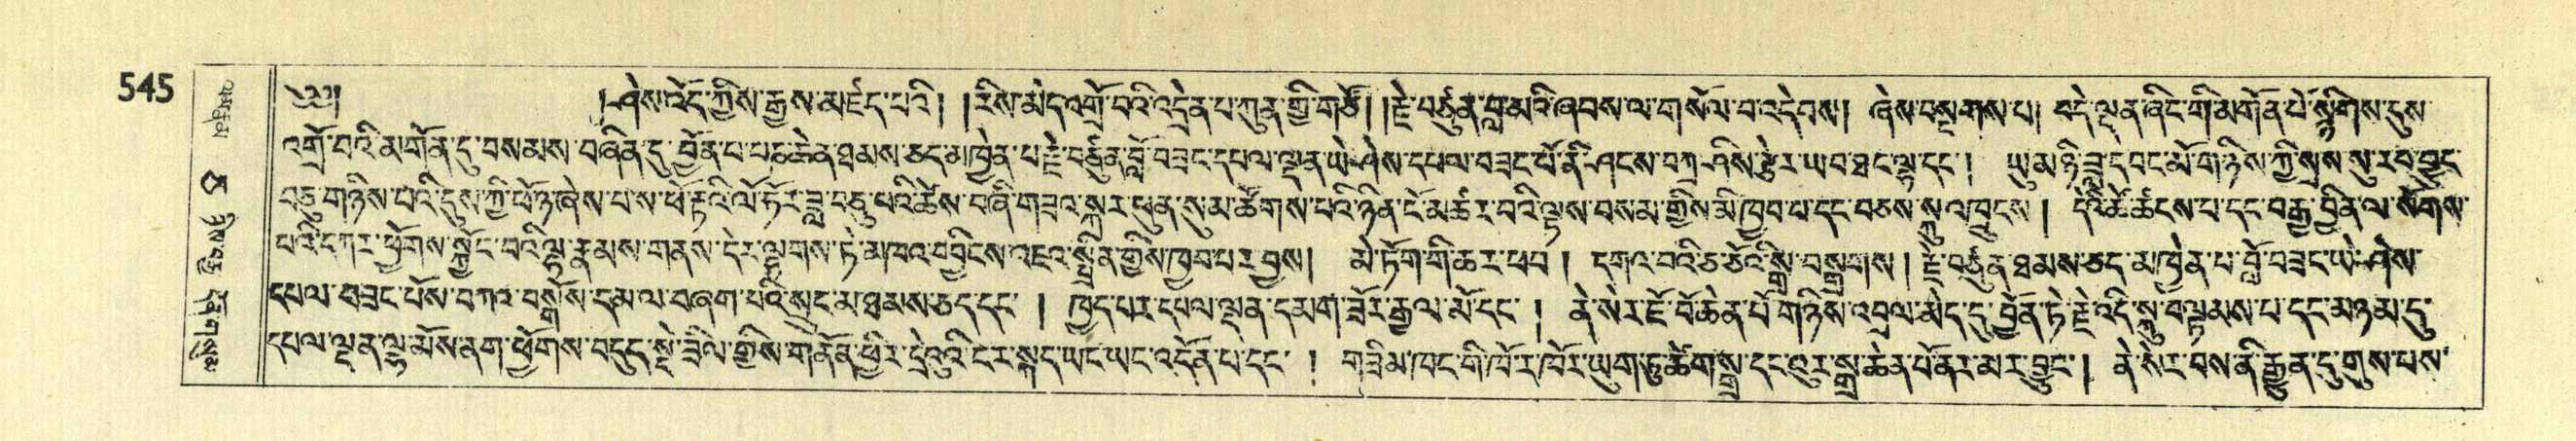༄༅། །ཤེས་འོད་ཀྱིས་རྒྱས་མཛད་པའི། །རིས་མེད་འགྲོ་བའི་འདྲེན་པ་ཀུན་གྱི་གཙོ། །རྗེ་བཙུན་བླ་མའི་ཞབས་ལ་གསོལ་བ་འདེབས། ཞེས་བསྔགས་པ། བདེ་ལྡན་ཞིང་གི་མགོན་པོ་སྙིགས་དུས་
འགྲོ་བའི་མགོན་དུ་བསམས་བཞིན་དུ་བྱོན་པ་པཎ་ཆེན་ཐམས་ཅད་མཁྱེན་པ་རྗེ་བཙུན་བློ་བཟང་དཔལ་ལྡན་ཡེ་ཤེས་དཔལ་བཟང་པོ་ནི་ཤངས་བཀྲ་ཤིས་རྩེར་ཡབ་ཐང་ལྷ་དང་། ཡུམ་ཉི་ཟླ་དབང་མོ་གཉིས་ཀྱི་སྲས་སུ་རབ་བྱུང་
བཅུ་གཉིས་པའི་དུས་ཀྱི་ཕོ་ཉ་ཞེས་པ་ས་ཕོ་རྟའི་ལོ་ཧོར་ཟླ་བཅུ་པའི་ཚེས་བཞི་གཟའ་སྐར་ཕུན་སུམ་ཚོགས་པའི་ཉིན་ངོ་མཚར་བའི་ལྟས་བསམ་གྱིས་མི་ཁྱབ་པ་དང་བཅས་སྐུ་འཁྲུངས། དེའི་ཚེ་ཚངས་པ་དང་བརྒྱ་བྱིན་ལ་སོགས་
པའི་དཀར་ཕྱོགས་སྐྱོང་བའི་ལྷ་རྣམས་གནས་དེར་ལྷགས་ཏེ་མཁའ་དབྱིངས་འཇའ་སྤྲིན་གྱིས་ཁྱབ་པར་བྱས། མེ་ཏོག་གི་ཆར་ཕབ། དགའ་བའི་ཅ་ཅོའི་སྒྲ་བསྒྲགས། རྗེ་བཙུན་ཐམས་ཅད་མཁྱེན་པ་བློ་བཟང་ཡེ་ཤེས་
དཔལ་བཟང་པོས་བཀའ་བསྒོས་དམ་ལ་བཞག་པའི་སྲུང་མ་ཐམས་ཅད་དང་། ཁྱད་པར་དཔལ་ལྡན་དམག་ཟོར་རྒྱལ་མོ་དང་། ནེ་སེར་ཇོ་བོ་ཆེན་པོ་གཉིས་འབྲལ་མེད་དུ་བྱོན་ཏེ་རྗེ་འདི་སྐུ་བལྟམས་པ་དང་མཉམ་དུ་
དཔལ་ལྡན་ལྷ་མོས་ནག་ཕྱོགས་བདུད་སྡེ་ཟིལ་གྱིས་གནོན་ཕྱིར་དྲེའུའི་ངར་སྐད་ཡང་ཡང་འདོན་པ་དང་། གཟིམ་ཁང་གི་ཁོ་ར་ཁོར་ཡུག་ཏུ་ཚིག་སྒྲ་དང་འུར་སྒྲ་ཆེན་པོ་ནར་མར་བྱུང་། ནེ་སེར་བས་ནི་རྒྱུན་དུ་གུས་པས་